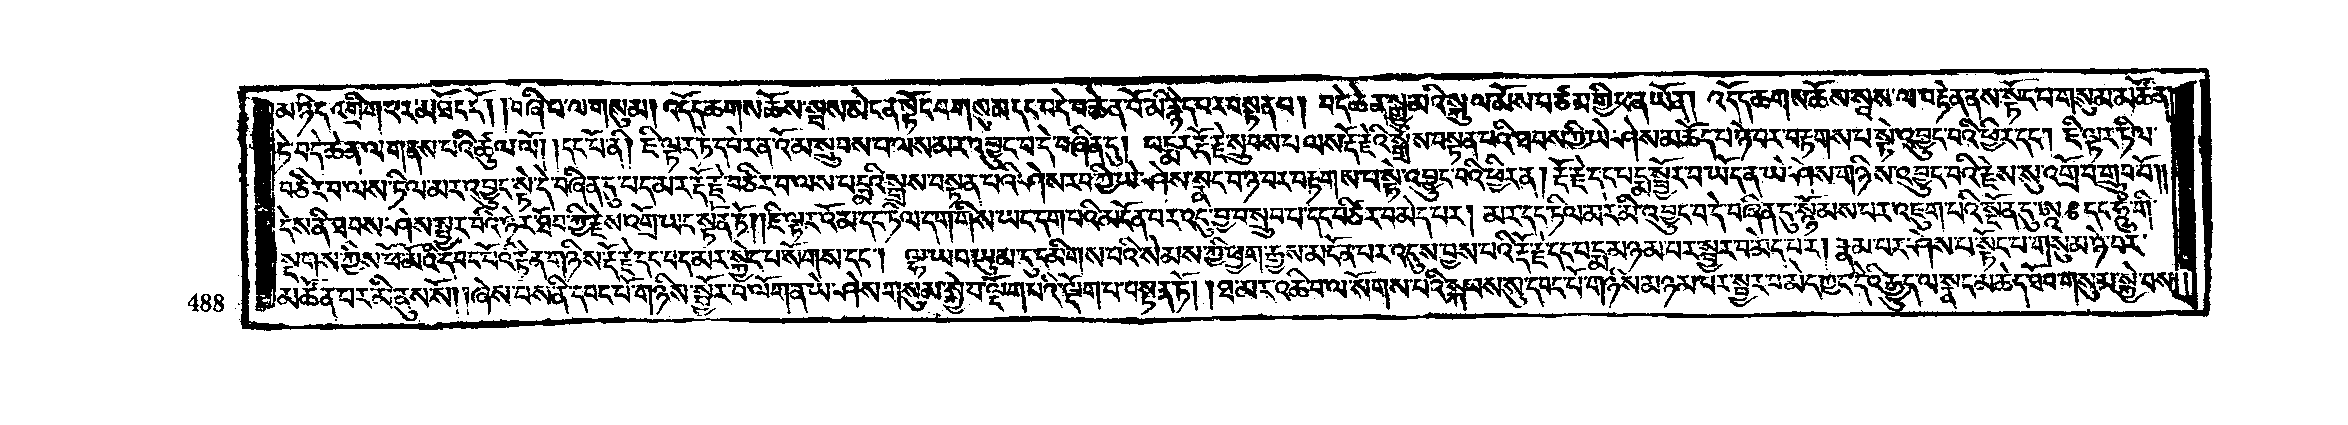མ་ཉིད་འགྲིག་པར་མཐོང་ངོ། །བཞི་པ་ལ་གསུམ། འདོད་ཆགས་ཆོས་སྦས་མེད་ན་སྟོང་པ་གསུམ་དང་བདེ་བ་ཆེན་པོ་མི་རྙེད་པར་བསྟན་པ། བདེ་ཆེན་སྒྱུ་མའི་སྐུ་ལ་མོས་པ་ཙམ་གྱི་ཕན་ཡོན། འདོད་ཆགས་ཆོས་སྦས་ལ་བརྟེན་ནས་སྟོང་པ་གསུམ་མཚོན་
ཏེ་བདེ་ཆེན་ལ་གནས་པའི་ཚུལ་ལོ། །དང་པོ་ནི། ཇི་ལྟར་ཏེ་དཔེར་ན་འོ་མ་སྲུབས་པ་ལས་མར་འབྱུང་བ་དེ་བཞིན་དུ། པདམར་རྡོ་རྗེ་སྲུབས་པ་ལས་རྡོ་རྗེའི་སྒྲས་བསྟན་པའི་ཐབས་ཀྱི་ཡེ་ཤེས་མཆེད་པ་ཉེ་བར་བརྟགས་པ་སྟེ་འབྱུང་བའི་ཕྱིར་དང་། ཇི་ལྟར་ཏིལ་
བཙིར་བ་ལས་ཏིལ་མར་འབྱུང་སྟེ་དེ་བཞིན་དུ་པད་མར་རྡོ་རྗེ་བཙིར་བ་ལས་པདམའི་སྒྲས་བསྟན་པའི་ཤེས་རབ་ཀྱི་ཡེ་ཤེས་སྣང་བ་ཉེ་བར་བརྟགས་པ་སྟེ་འབྱུང་བའི་ཕྱིར་ན། རྡོ་རྗེ་དང་པདམ་སྦྱོར་བ་ཡོད་ན་ཡེ་ཤེས་གཉིས་འབྱུང་བའི་རྗེས་སུ་འགྲོ་བ་གྲུབ་བོ། །
དེས་ནི་ཐབས་ཤེས་སྦྱར་བའི་ཉེར་ཐོབ་ཀྱི་རྗེས་འགྲོ་ཡང་སྟོན་ཏོ། །ཇི་ལྟར་འོ་མ་དང་ཏིལ་དག་གིས་ཡང་དག་པའི་མངོན་པར་འདུ་བྱ་བ་སྲུབ་པ་དང་བཙིར་བ་མེད་པར། མར་དང་ཏིལ་མར་མི་འབྱུང་བ་དེ་བཞིན་དུ་སྙོམས་པར་འཇུག་པའི་སྔོན་དུ་ཨཱཿ དང་ཧཱུཾ་གི་
སྔགས་ཀྱིས་ཕོ་མོའི་དབང་པོའི་རྟེན་གཉིས་རྡོ་རྗེ་དང་པད་མར་སྐྱེད་པ་སོགས་དང་། ལྷ་ཡབ་ཡུམ་དང་དམིགས་པའི་སེམས་ཀྱི་ཕྱག་རྒྱས་མངོན་པར་འདུས་བྱས་པའི་རྡོ་རྗེ་དང་པདམ་མཉམ་པར་སྦྱར་བ་མེད་པར། རྣམ་པར་ཤེས་པར་ཤེས་པ་སྟོང་པ་གསུམ་ཉེ་བར་
མཚོན་པར་མི་ནུས་སོ། །ཞེས་པས་ནི་དབང་པོ་གཉིས་སྦྱོར་བ་ལོག་ན་ཡེ་ཤེས་གསུམ་སྐྱེ་བ་ལྡོག་པའི་ལྡོག་པ་བསྟན་ཏོ། །ཐ་མར་འཆི་བ་ལ་སོགས་པའི་སྐབས་སུ་དབང་པོ་གཉིས་མཉམ་པར་སྦྱར་བ་མེད་ཀྱང་དེའི་རྒྱུད་ལ་སྣང་མཆེད་ཐོབ་གསུམ་སྐྱེ་བས། །